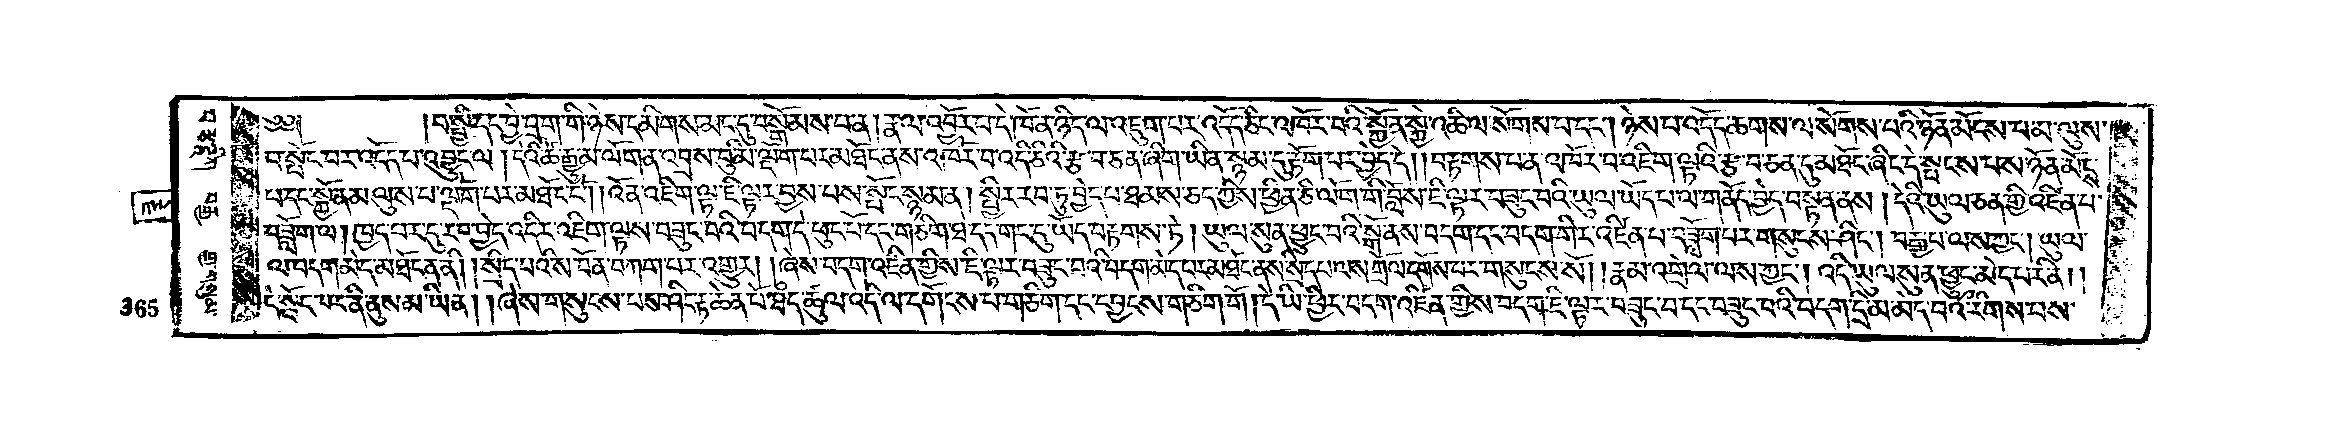༄༅། །བ་སྤྱི་དང་བྱེ་བྲག་གི་ཉེས་དམིགས་མང་དུ་བསྒོམས་པ་ན། རྣལ་འབྱོར་བ་དེ་ཁོ་ན་ཉིད་ལ་འཇུག་པར་འདོད་ཅིང་འཁོར་བའི་སྐྱོན་སྐྱེ་འཆི་ལ་སོགས་པ་དང་། ཉེས་པ་འདོད་ཆགས་ལ་སོགས་པའི་ཉོན་མོངས་པ་མ་ལུས་
བ་སྤོང་བར་འདོད་པ་འབྱུང་ལ། དེའི་ཚེ་རྒྱུ་མ་ལོག་ན་འབྲས་བུ་མི་ལྡོག་པར་མཐོང་ནས་འཁོར་བ་འདི་ཅིའི་རྩ་བ་ཅན་ཞིག་ཡིན་སྙམ་དུ་རྟོག་པར་བྱེད་དེ། །བརྟགས་པ་ན་འཁོར་བ་འཇིག་ལྟའི་རྩ་བ་ཅན་དུ་མཐོང་ཞིང་དེ་སྤངས་པས་ཉོན་མོངས་
པ་དང་སྐྱོན་མ་ལུས་པ་ལྡོག་པར་མཐོང་ངོ། །འོ་ན་འཇིག་ལྟ་ཇི་ལྟར་བྱས་པས་སྤོང་སྙམ་ན། སྤྱིར་རབ་ཏུ་བྱེད་པ་ཐམས་ཅད་ཀྱིས་ཕྱིན་ཅི་ལོག་གི་བློས་ཇི་ལྟར་བཟུང་བའི་ཡུལ་ཡོད་པ་ལ་གནོད་བྱེད་བསྟན་ནས། དེའི་ཡུལ་ཅན་གྱི་འཛིན་པ་
བཟློག་ལ། ཁྱད་པར་དུ་རབ་བྱེད་འདིར་འཇིག་ལྟས་བཟུང་བའི་བདག་དེ་ཕུང་པོ་དང་གཅིག་ཐ་དད་གང་དུ་ཡོད་བརྟགས་ཏེ། ཡུལ་སུན་ཕྱུང་བའི་སྒོ་ནས་བདག་དང་བདག་གིར་འཛིན་པ་བཟློག་པར་གསུངས་ཤིང་། བརྒྱ་པ་ལས་ཀྱང་། ཡུལ་
ལ་བདག་མེད་མཐོང་ན་ནི། །སྲིད་པའི་ས་བོན་བཀག་པར་འགྱུར། །ཞེས་བདག་འཛིན་གྱིས་ཇི་ལྟར་བཟུང་བའི་བདག་མེད་པར་མཐོང་ནས་སྲིད་པ་ལས་གྲོལ་དགོས་པར་གསུངས་སོ། །རྣམ་འགྲེལ་ལས་ཀྱང་། འདི་ཡུལ་སུན་ཕྱུང་མད་པར་ནི། །
དེ་སྤོང་པར་ནི་ནུས་མ་ཡིན། །ཞེས་གསུངས་པས་ཤིང་རྟ་ཆེན་པོ་ཐཾད་ཚུལ་འདི་ལ་དགོངས་པ་གཅིག་དང་དབྱངས་གཅིག་གོ །དེ་ཡི་ཕྱིར་བདག་འཛིན་གྱིས་བདག་ཇི་ལྟར་བཟུང་བ་དང་བཟུང་བའི་བདག་དྲི་མ་མེད་པའི་རིགས་པས་